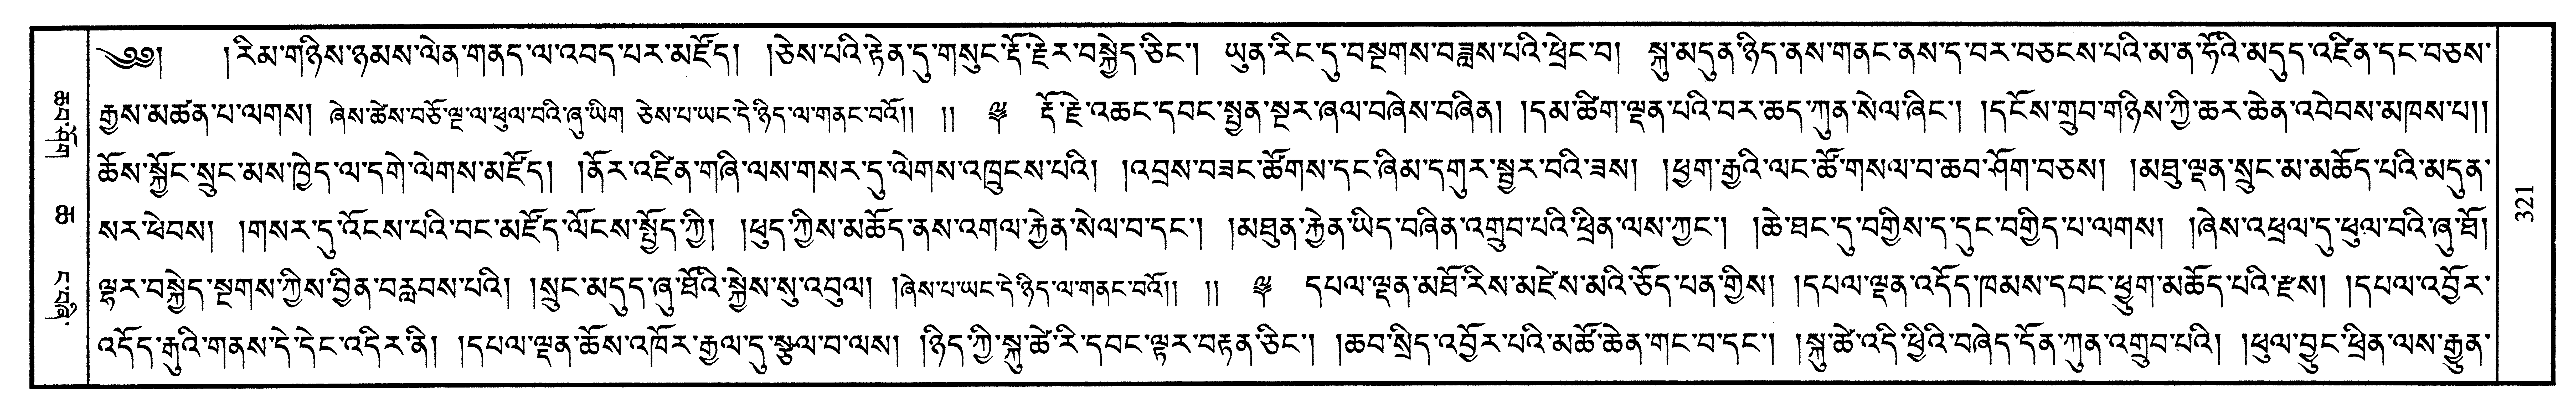༄༅། །རིམ་གཉིས་ཉམས་ལེན་གནད་ལ་འབད་པར་མཛོད། །ཅེས་པའི་རྟེན་དུ་གསུང་རྡོ་རྗེར་བསྐྱེད་ཅིང་། ཡུན་རིང་དུ་བསྔགས་བཟླས་པའི་ཕྲེང་བ། སྐུ་མདུན་ཉིད་ནས་གནང་ནས་ད་བར་བཅངས་པའི་མ་ན་ཧོའི་མདུད་འཛིན་དང་བཅས་
རྒྱས་མཚན་པ་ལགས། ཞེས་ཚེས་བཅོ་ལྔ་ལ་ཕུལ་བའི་ཞུ་ཡིག་ཅེས་པ་ཡང་དེ་ཉིད་ལ་གནང་བའོ།། །། ༈ རྡོ་རྗེ་འཆང་དབང་སྤྱན་སྔར་ཞལ་བཞེས་བཞིན། །དམ་ཚིག་ལྡན་པའི་བར་ཆད་ཀུན་སེལ་ཞིང་། །དངོས་གྲུབ་གཉིས་ཀྱི་ཆར་ཆེན་འབེབས་མཁས་པ།།
ཆོས་སྐྱོང་སྲུང་མས་ཁྱེད་ལ་དགེ་ལེགས་མཛོད། །ནོར་འཛིན་གཞི་ལས་གསར་དུ་ལེགས་འཁྲུངས་པའི། །འབྲས་བཟང་ཚོགས་དང་ཞིམ་དགུར་སྦྱར་བའི་ཟས། །ཕྱག་རྒྱའི་ལང་ཚོ་གསལ་བ་ཆབ་ཤོག་བཅས། །མཐུ་ལྡན་སྲུང་མ་མཆོད་པའི་མདུན་
སར་ཕེབས། །གསར་དུ་འོངས་པའི་བང་མཛོད་ལོངས་སྤྱོད་ཀྱི། །ཕུད་ཀྱིས་མཆོད་ནས་འགལ་རྐྱེན་སེལ་བ་དང་། །མཐུན་རྐྱེན་ཡིད་བཞིན་འགྲུབ་པའི་ཕྲིན་ལས་ཀྱང་། །ཆེ་ཐང་དུ་བགྱིས་ད་དུང་བགྱིད་པ་ལགས། །ཞེས་འཕྲལ་དུ་ཕུལ་བའི་ཞུ་ཐོ།
ལྷར་བསྐྱེད་སྔགས་ཀྱིས་བྱིན་བརླབས་པའི། །སྲུང་མདུད་ཞུ་ཐོའི་སྐྱེས་སུ་འབུལ། །ཞེས་པ་ཡང་དེ་ཉིད་ལ་གནང་བའོ།། །། ༈ དཔལ་ལྡན་མཐོ་རིས་མཛེས་མའི་ཅོད་པན་གྱིས། །དཔལ་ལྡན་འདོད་ཁམས་དབང་ཕྱུག་མཆོད་པའི་རྫས། །དཔལ་འབྱོར་
འདོད་རྒུའི་གནས་དེ་དེང་འདིར་ནི། །དཔལ་ལྡན་ཆོས་འཁོར་རྒྱལ་དུ་སྩལ་བ་ལས། །ཉིད་ཀྱི་སྐུ་ཚེ་རི་དབང་ལྟར་བརྟན་ཅིང་། །ཆབ་སྲིད་འབྱོར་པའི་མཚོ་ཆེན་གང་བ་དང་། །སྐུ་ཚེ་འདི་ཕྱིའི་བཞེད་དོན་ཀུན་འགྲུབ་པའི། །ཕུལ་བྱུང་ཕྲིན་ལས་རྒྱུན་